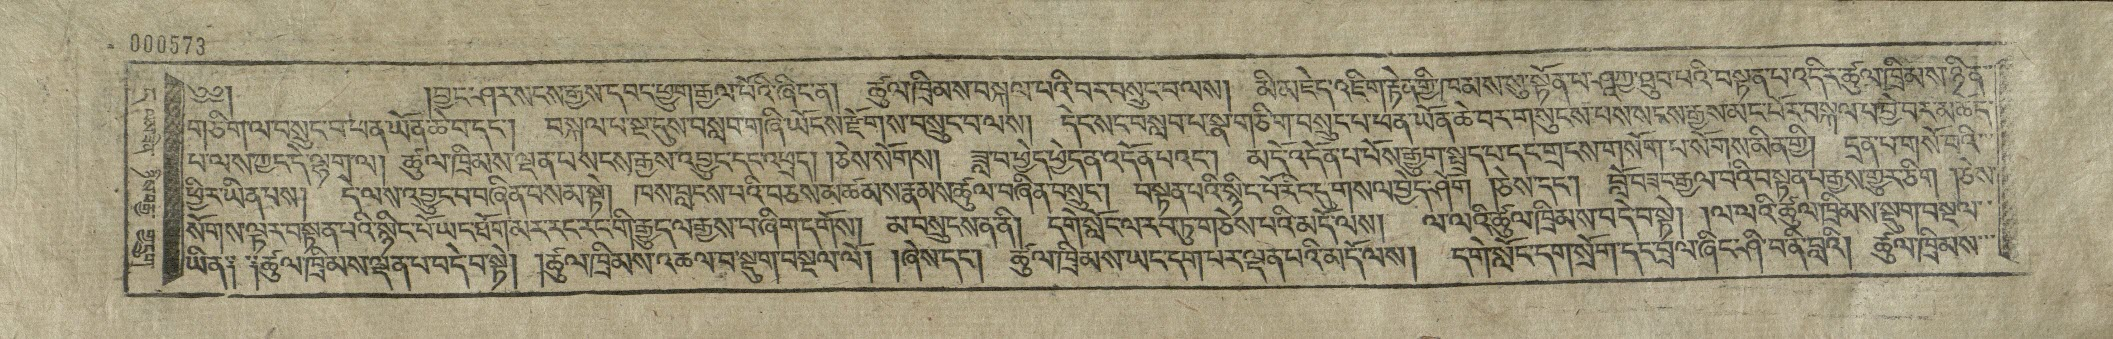༄༅། །བྱང་ཤར་སངས་རྒྱས་དབང་ཕྱུག་རྒྱལ་པོའི་ཞིང་ན། ཚུལ་ཁྲིམས་བསྐལ་པའི་བར་བསྲུང་བ་ལས། མི་མཇེད་འཇིག་རྟེན་གྱི་ཁམས་སུ་སྟོན་པ་ཤཱཀྱ་ཐུབ་པའི་བསྟན་པ་འདིར་ཚུལ་ཁྲིམས་ཉིན་
གཅིག་ལ་བསྲུང་བ་ཕན་ཡོན་ཆེ་བ་དང་། བསྐལ་པ་སྔ་དུས་བསླབ་གཞི་ཡོངས་རྫོགས་བསྲུང་བ་ལས། དེང་སང་བསླབ་པ་སྣ་གཅིག་བསྲུང་པ་ཕན་ཡོན་ཆེ་བར་གསུངས་པས་སངས་རྒྱས་མང་པོར་བསྐལ་པ་བྱེ་བར་མཆོད་
པ་ལས་ཀྱང་དེ་ལྷག་ལ། ཚུལ་ཁྲིམས་ལྡན་པ་སངས་རྒྱས་འབྱུང་དང་འཕྲད། །ཅེས་སོགས། ཟླ་བ་ཕྱེད་ཕྱེད་ན་འདོན་པའང་། མདོ་འདོན་པ་པོས་རྒྱུག་སྤྲད་པ་དང་གྲངས་གསོག་པ་སོགས་མིན་གྱི། དྲན་པ་གསོ་བའི་
ཕྱིར་ཡིན་པས། དེ་ལས་འབྱུང་བ་བཞིན་བསམ་སྟེ། ཁས་བླངས་པའི་བཅས་མཚམས་རྣམས་ཚུལ་བཞིན་བསྲུང་། བསྟན་པའི་སྙིང་པོ་རིང་དུ་གསལ་བྱེད་ཤོག །ཅེས་དང་། བློ་བཟང་རྒྱལ་བའི་བསྟན་པ་རྒྱས་གྱུར་ཅིག །ཅེས་
སོགས་ལྟར་བསྟན་པའི་སྙིང་པོ་ཡང་ཐོག་མར་རང་རང་གི་རྒྱུད་ལ་རྒྱས་པ་ཞིག་དགོས། མ་བསྲུངས་ན་ནི། དགེ་སློང་ལ་རབ་ཏུ་གཅེས་པའི་མདོ་ལས། ལ་ལའི་ཚུལ་ཁྲིམས་བདེ་བ་སྟེ། །ལ་ལའི་ཚུལ་ཁྲིམས་སྡུག་བསྔལ་
ཡིན༑ ༑ཚུལ་ཁྲིམས་ལྡན་པ་བདེ་བ་སྟེ། །ཚུལ་ཁྲིམས་འཆལ་བ་སྡུག་བསྔལ་ལོ། །ཞེས་དང་། ཚུལ་ཁྲིམས་ཡང་དག་པར་ལྡན་པའི་མདོ་ལས། དགེ་སློང་དག་སྲོག་དང་བྲལ་ཞིང་ཤི་བ་ནི་བླའི། ཚུལ་ཁྲིམས་